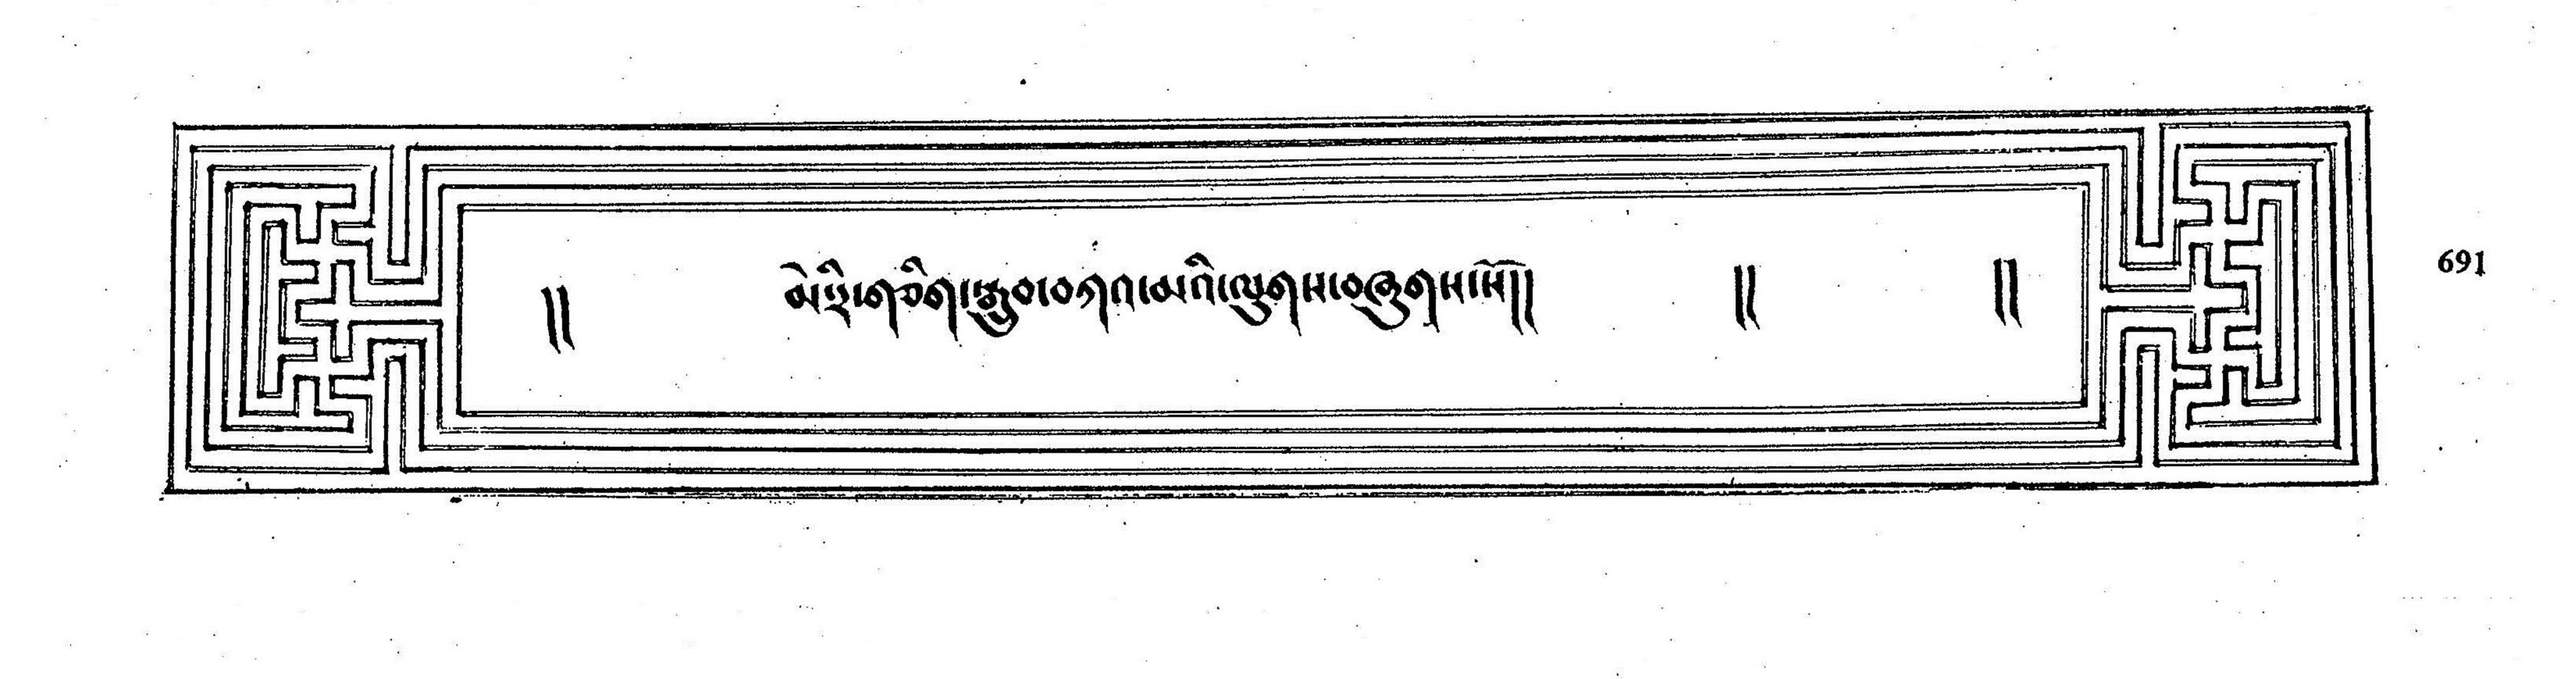།། མེ་རི་གཅིག་སྒྲུབ་བཀའ་མའི་ལུགས་བཞུགས་སོ།། །།